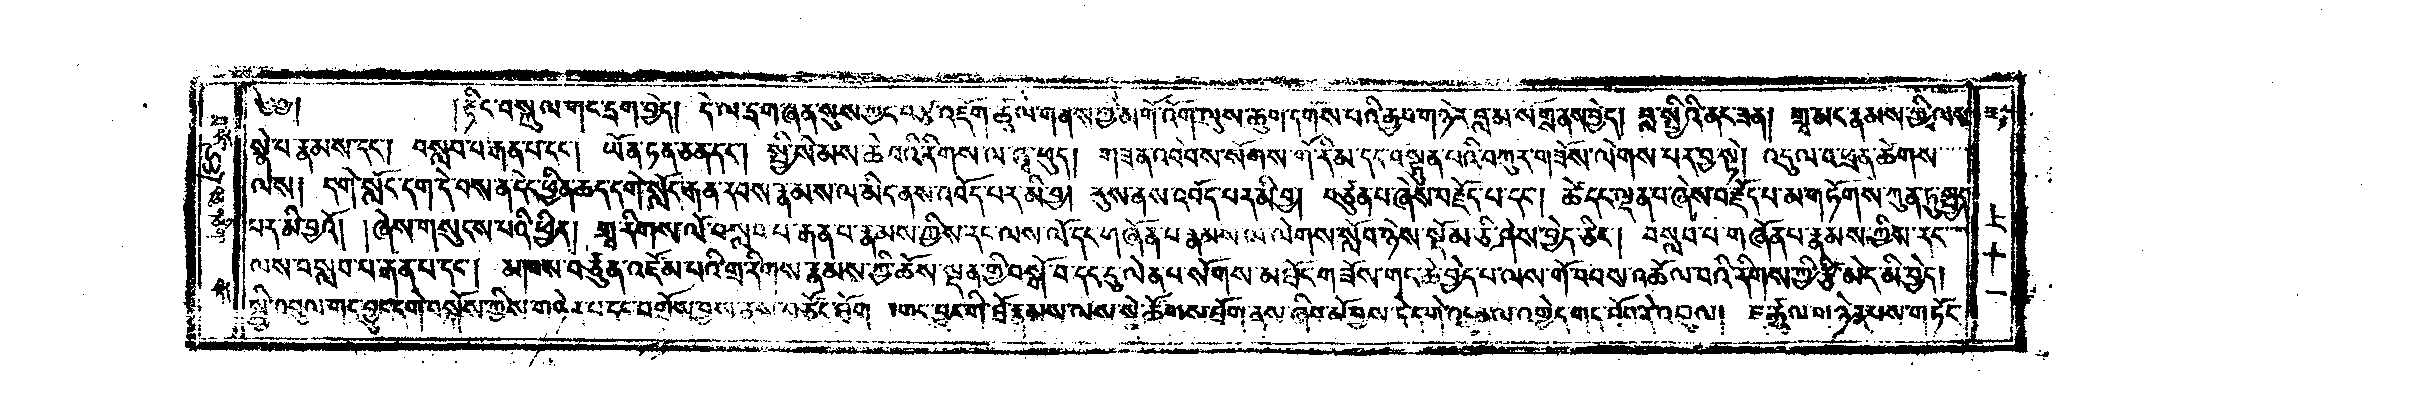༄༅། །རྟིང་བསྐུལ་གང་དྲག་བྱེད། དེ་ལ་དྲག་ཞན་སུས་ཀྱང་བརྩི་འཇོག་ཚུལ་གནས་ཀྱི་མགོ་འོག་ལུས་ཆུག་དགོས་པའི་རྒྱབ་གཉེར་བླ་མ་སོགས་ནས་བྱེད། བླ་སྤྱིའི་ནང་ཟན། གྲྭ་མང་རྣམས་ཀྱིས་ལས་
སྣེ་པ་རྣམས་དང་། བསླབ་པ་རྒན་པ་དང་། ཡོན་ཏན་ཅན་དང་། སྤྱི་སེམས་ཆེ་བའི་རིགས་ལ་ཞྭ་ཕུད། གཟན་འབེབས་སོགས་གོ་རིམ་དང་བསྟུན་པའི་བཀུར་གཟོས་ལེགས་པར་བྱ་སྟེ། འདུལ་བ་ཕྲན་ཚེགས་
ལས། དགེ་སློང་དག་དེ་བས་ན་དེང་ཕྱིན་ཆད་དགེ་སློང་རྒན་རབས་རྣམས་ལ་མིང་ནས་འབོད་པར་མི་བྱ། རུས་ནས་འབོད་པར་མི་བྱ། བཙུན་པ་ཞེས་བརྗོད་པ་དང་། ཚེ་དང་ལྡན་པ་ཞེས་བརྗོད་པ་མ་གཏོགས་ཀུན་ཏུ་སྤྱད་
པར་མི་བྱའོ། །ཞེས་གསུངས་པའི་ཕྱིར། གྲྭ་རིགས་ལོ་བསླབ་པ་རྒན་པ་རྣམས་ཀྱིས་རང་ལས་ལོ་དང་གཞོན་པ་རྣམས་ལ་ལེགས་སློབ་ཉེས་སྡོམ་ཅི་ཤེས་བྱེད་ཅིང་། བསླབ་པ་གཞོན་པ་རྣམས་ཀྱིས་རང་
ལས་བསླབ་པ་རྒན་པ་དང་། མཁས་བཙུན་འཛོམ་པའི་གྲ་རིགས་རྣམས་ཀྱི་ཆོས་ལྡན་གྱི་བསྒོ་བ་དང་དུ་ལེན་པ་སོགས་མཐོང་གཟོས་གང་ཆེ་བྱེད་པ་ལས་གོ་བབས་འཚེལ་བའི་རིགས་ཀྱི་རྩི་མེད་མི་བྱེད།
སྤྱི་འབུལ་གང་བྱུང་དགེ་བསྐོས་ཀྱིས་གཉེར་པ་དང་བགྲོས་བྱས་ནས་བཙོང་ཐོག །གང་བྱུང་གི་ཐོ་རྣམས་ལས་སྣེ་ཚོགས་ཐོག་ནས་ཞིབ་མོ་བྱས་ཏེ་དགེ་འདུན་ལ་འགྱེད་གང་ཐོབ་རེ་འབུལ། ཇ་ཚུལ་གཉེར་པས་གཏོང་